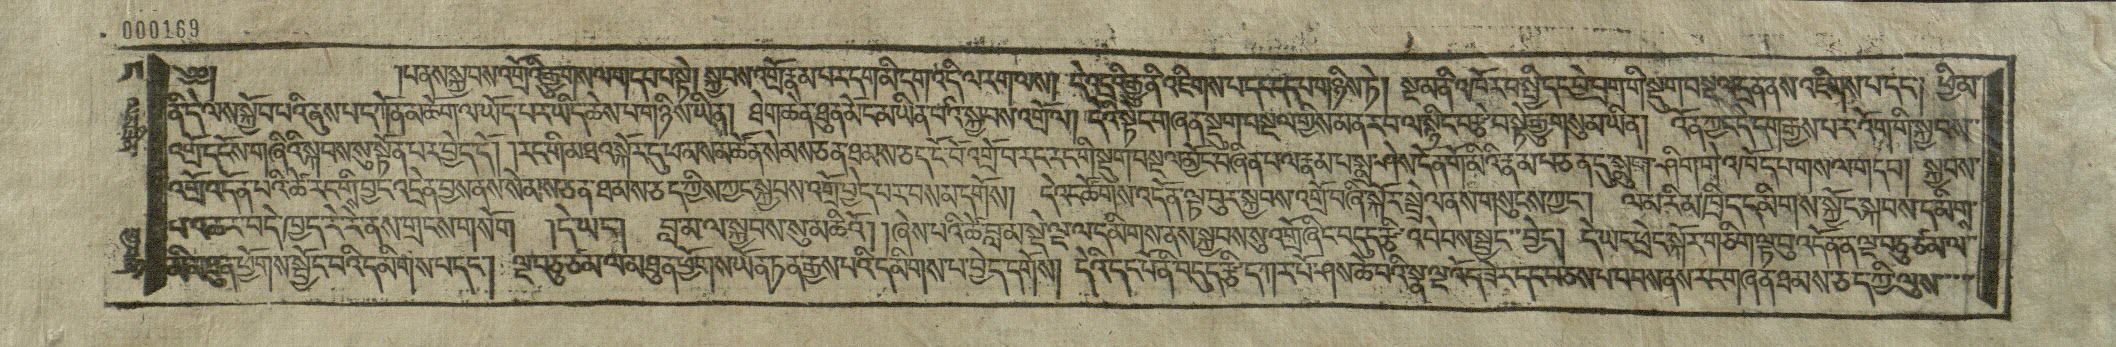༄༅། །པ་ནས་སྐྱབས་འགྲོའི་རྒྱུ་གསལ་གདབ་པ་སྟེ། སྐྱབས་འགྲོ་རྣམ་པར་དག་མི་དག་འདི་ལ་རག་ལས། དེ་འདྲའི་རྒྱུ་ནི་འཇིགས་པ་དང་དད་པ་གཉིས་ཏེ། སྔ་མ་ནི་འཁོར་བ་སྤྱི་དང་བྱེ་བྲག་གི་སྡུག་བསྔལ་དྲན་ནས་འཇིགས་པ་དང་། ཕྱི་མ་
ནི་དེ་ལས་སྐྱོབ་པའི་ནུས་པ་དཀོན་མཆོག་ལ་ཡོད་པར་ཡིད་ཆེས་པ་གཉིས་ཡིན། ཐེག་ཆེན་ཐུན་མོང་མ་ཡིན་པའི་སྐྱབས་འགྲོ་ལ། དེའི་སྟེང་གཞན་སྡུག་བསྔལ་གྱིས་མནར་བ་ལ་སྙིང་བརྩེ་བ་སྟེ་རྒྱུ་གསུམ་ཡིན། འོན་ཀྱང་དེ་དག་རྒྱས་པར་འོག་གི་སྐྱབས་
འགྲོ་དངོས་གཞིའི་སྐབས་སུ་སྟོན་པར་བྱེད་དོ། །རང་གི་མཐའ་སྐོར་དུ་ཕ་མས་མཚོན་སེམས་ཅན་ཐམས་ཅད་ངོ་བོ་འགྲོ་བ་རང་རང་གི་སྡུག་བསྔལ་མྱོང་བཞིན་པ་ལ་རྣམ་པ་སྨྲ་ཤེས་དོན་གོ་མིའི་རྣམ་པ་ཅན་དུ་སྨུག་ཤིག་གེ་འཁོད་པ་གསལ་གདབ། སྐྱབས་
འགྲོ་འདོན་པའི་ཚེ་རང་གིས་བྱང་འདྲེན་བྱས་ནས་སེམས་ཅན་ཐམས་ཅད་ཀྱིས་ཀྱང་སྐྱབས་འགྲོ་བྱེད་པར་བསམ་དགོས། དེའང་ཚོགས་འདོན་ལྟ་བུར་སྐྱབས་འགྲོ་བཞི་སྐོར་སྤྲེལ་ནས་གསུངས་ཀྱང་། ལམ་རིམ་ཁྲིད་དམིགས་སྐྱོང་སྐབས་དམིགས་
པ་འཆར་བདེ་ཁྱད་རེ་རེ་ནས་གྲངས་གསོག་དེ་ཡང་། བླ་མ་ལ་སྐྱབས་སུ་མཆིའོ། །ཞེས་པའི་ཚེ་བླ་མ་སྡེ་ལྔ་ལ་དམིགས་ནས་སྐྱབས་སུ་འགྲོ་ཞིང་བདུད་རྩི་འབེབས་སྦྱང་བྱེད། དེ་ཡང་ཕྲེང་སྐོར་གཅིག་ལྟ་བུ་འདོན་ན་ལྔ་བཅུ་ཙམ་ལ་
མི་མཐུན་ཕྱོགས་སྦྱོང་བའི་དམིགས་པ་དང་། ལྔ་བཅུ་ཙམ་ལ་མཐུན་ཕྱོགས་ཡོན་ཏན་རྒྱས་པའི་དམིགས་པ་བྱེད་དགོས། དེའི་དང་པོ་ནི་བདུད་རྩི་དཀར་པོ་ཤས་ཆེ་བའི་སྣ་ལྔ་འོད་ཟེར་དང་བཅས་པ་བབས་ནས་རང་གཞན་ཐམས་ཅད་ཀྱི་ལུས་